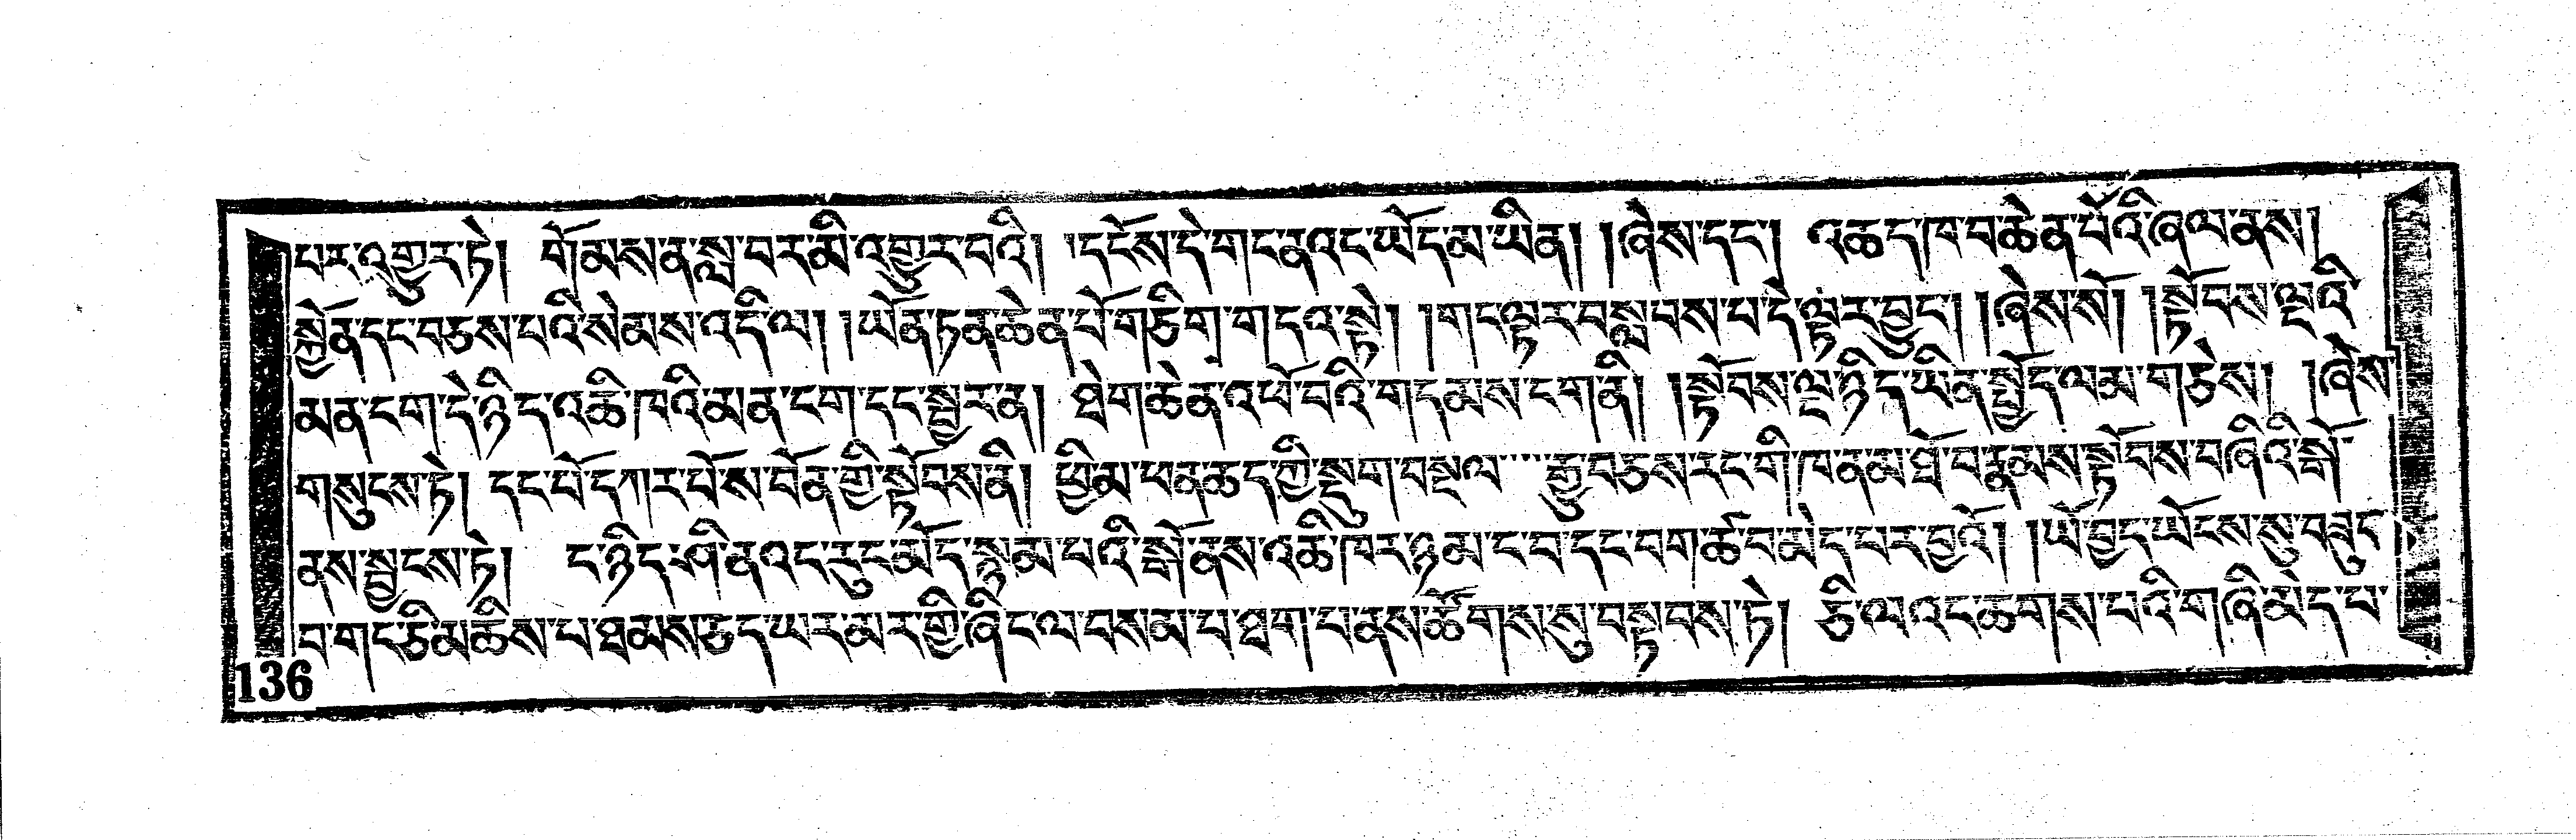པར་འགྱུར་ཏེ། གོམས་ན་སླ་བར་མི་འགྱུར་བའི། །དངོས་དེ་གང་ནའང་ཡོད་མ་ཡིན། །ཞེས་དང་། འཆད་ཁ་བ་ཆེན་པོའི་ཞལ་ནས།
སྐྱོན་དང་བཅས་པའི་སེམས་འདི་ལ། །ཡོན་ཏན་ཆེན་པོ་གཅིག་གདའ་སྟེ། །གང་ལྟར་བསླབས་པ་དེ་ལྟར་བྱུང་། །ཞེས་སོ། །སྟོབས་ལྔའི་
མན་ངག་དེ་ཉིད་འཆི་ཁའི་མན་ངག་དང་སྦྱར་ན། ཐེག་ཆེན་འཕོ་བའི་གདམས་ངག་ནི། །སྟོབས་ལྔ་ཉིད་ཡིན་སྤྱོད་ལམ་གཅེས། །ཞེས་
གསུངས་ཏེ། དང་པོ་དཀར་པོ་ས་བོན་གྱི་སྟོབས་ནི། ཕྱི་མ་ཕན་ཆད་ཀྱི་སྡུག་བསྔལ་རྒྱུ་བཅས་རང་གི་ཁ་ན་མ་ཐོ་བ་རྣམས་སྟོབས་བཞིའི་སྒོ་
ནས་སྦྱངས་ཏེ། ང་ཉིད་ཤི་ནའང་རུང་མོད་སྙམ་པའི་སྒོ་ནས་འཆི་ཁར་ཉམ་ང་བ་དང་བག་ཚ་བ་མེད་པར་བྱའོ། །ཡོ་བྱད་ཡོངས་སུ་བཟུང་
བ་གང་ཅི་མཆིས་པ་ཐམས་ཅད་ཡར་མར་གྱི་ཞིང་ལ་བསམ་པ་ཐག་པ་ནས་ཚོགས་སུ་བསྟབས་ཏེ། ཅི་ལའང་ཆགས་པའི་གཞི་མེད་པ་